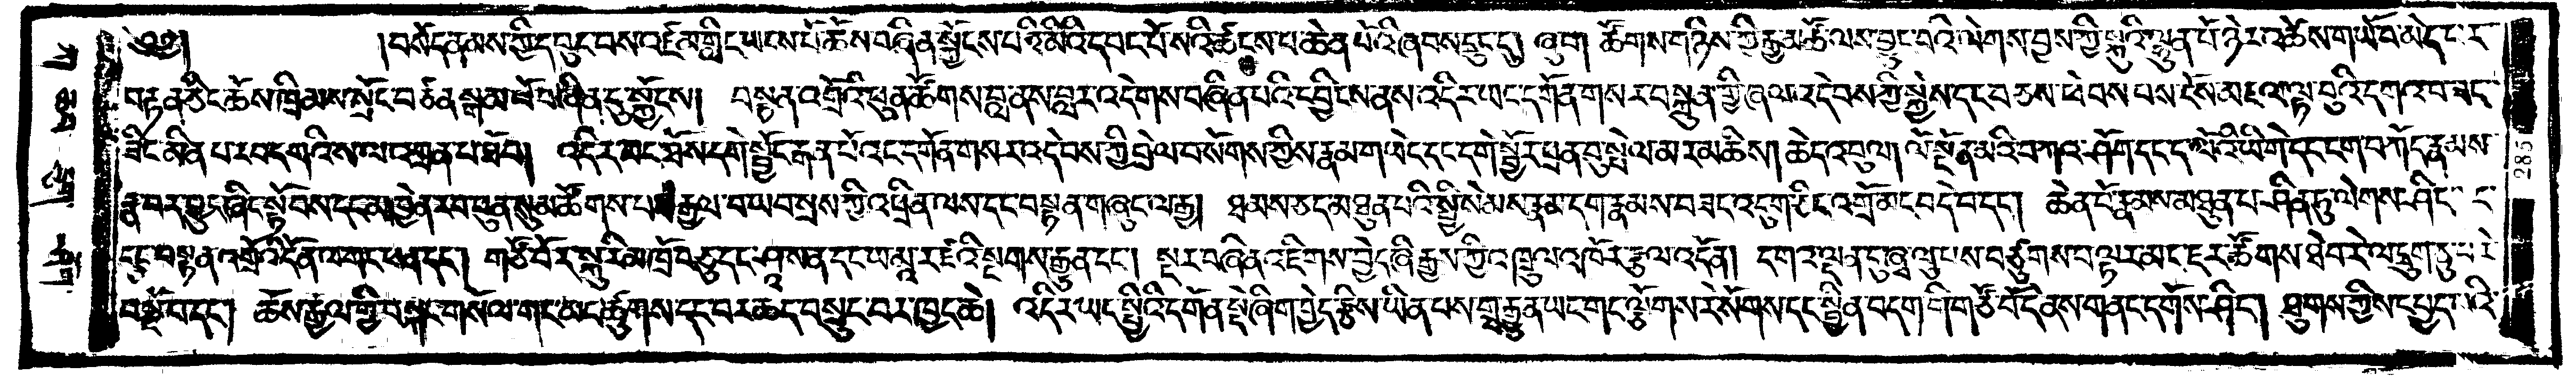༄༅། །བསོད་ནམས་ཀྱི་དབུང་བས་འཛམ་གླིང་ཡངས་པོ་ཆོས་བཞིན་སྐྱོངས་པའི་མིའི་དབང་པོ་སའི་ཚངས་པ་ཆེན་པོའི་ཞབས་དྲུང་དུ། ཞུག་ཚོགས་གཉིས་ཀྱི་རྒྱ་མཚོ་ལས་བྱུང་བའི་ལེགས་བྱས་ཀྱི་སྐུའི་ལྷུན་པོ་ཉེར་འཚེས་གཡོ་བ་མེད་བར་
བརྟན་ཅིང་ཆོས་ཁྲིམས་སྲོང་བཙན་སྒམ་ཕོ་བཞིན་དུ་སྐྱོངས། བསྟན་འབྲོའི་ཕུན་ཚོགས་བླ་ནས་བླར་འདེགས་བཞིན་པའི་དབྱིངས་ནས་འདིར་ཡང་དགོན་གསར་བསྐྲུན་གྱི་ཞལ་འདེབས་ཀྱི་སྐྱེས་དང་བཅས་ཕེབས་བས་ངོས་མཇལ་ལྟ་བུའི་དགའ་བཟང་
ཟིང་མིན་པ་རབ་དགའི་ས་ལ་འགྲན་པ་ཐོབ། འདིར་མང་ཐོས་དགེ་སྦྱོང་རྒན་པོའང་དགོན་གསར་འདེབས་ཀྱི་བྲེལ་བ་སོགས་ཀྱིས་རྣམ་གཡེང་དང་དགེ་སྦྱོར་ཕྲན་བུ་སྤེལ་མར་མཆིས། ཆེད་འབུལ། ལོ་སྔོན་མའི་བཀའ་ཤོག་དང་ད་པོའི་ཡི་གེ་དང་ངག་བཀོད་རྣམས་
རྣ་པར་བྱུང་བཞིང་སྟོབས་དང་མཁྱེན་རབ་ཕུན་སུམ་ཚོགས་པའི?་རྒྱལ་བ་ཡབ་སྲས་ཀྱི་འཕྲིན་ལས་དང་བསྟན་གཞུང་ལ་རྒྱ། ཐམས་ཅད་མཐུན་པའི་སྤྱི་སེམས་རྣམ་དག་རྣམས་བཟང་འདུག་ཅིང་འགྲོ་མང་བདེ་བ་དང་། ཆེན་པོ་རྣམས་མཐུན་པ་ཤིན་ཏུ་ལེགས་ཤིང་ང་
དུང་བསྟན་འགྲོའི་དོན་ལ་གང་ཕན་དང་། གཙོ་བོར་སྐུ་རིམ་ཁྲོ་བཅུ་དང་ཤཱ་སན་དང་ཡ་མཱ་ར་ཛའི་སྔགས་རྒྱུན་དང་། སྔར་བཞིན་འཇིགས་བྱེད་ཞི་རྒྱས་ཀྱི་འཁྲུལ་འཁོར་རྩལ་འདོད། དགའ་ལྡན་དུ་ཞྭ་ལུ་པས་བཙུགས་བལྟར་མང་ཇར་ཚོགས་ཐེབ་རེ་ལ་དྲུག་ཅུ་ས་རེ་
བསྔོ་བ་དང་། ཆོས་རྒྱལ་གྱི་བསྐང་གསོལ་གང་མང་ཚུགས་དང་བར་ཆད་བསྲུང་བར་ཆད་བསྲུང་བར་ཁྱད་ཆེ་འདིར་ཡང་སྤྱིའི་དགོན་སྡེ་ཞིག་བྱེད་རྩིས་ཡིན་པས་གྲྭ་རྒྱུན་ཡང་གང་ལྕོགས་རེ་སོགས་དང་སྦྱིན་བདག་གི་གཙོ་བོ་དེ་ནས་གནང་དགོས་ཤིང་། ཐུགས་ཀྱིས་དཔྱད་པའི་